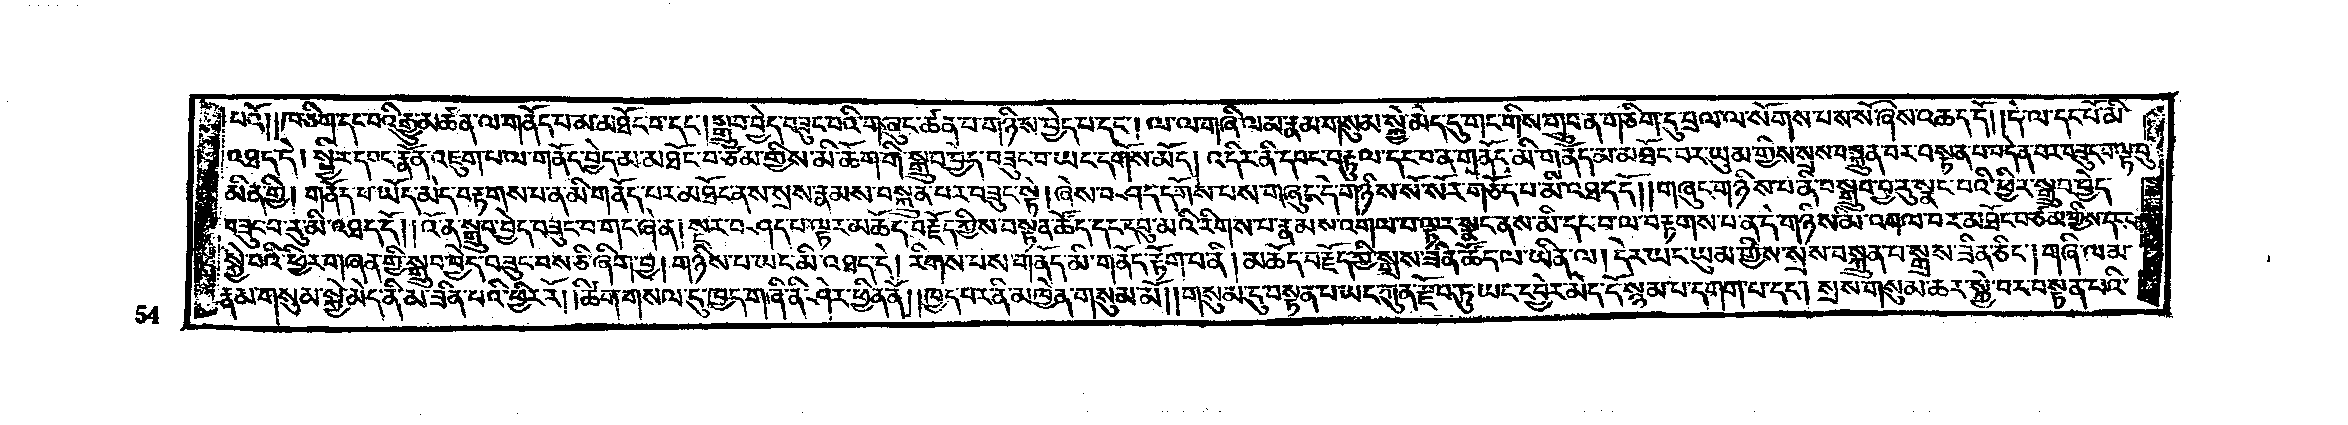པའོ། །ཁ་ཅིག་དང་བའི་རྒྱུ་མཚན་ལ་གནོད་པ་མ་མཐོང་བ་དང་། སྒྲུབ་བྱེད་བཟུང་བའི་གཞུང་ཚན་པ་གཉིས་བྱེད་པ་དང་། ལ་ལ་གཞི་ལམ་རྣམ་གསུམ་སྐྱེ་མེད་དུ་གང་གིས་གྲུབ་ན་གཅིག་དུ་བྲལ་ལ་སོགས་པས་སོ་ཞེས་འཆད་དོ། །དེ་ལ་དང་པོ་མི་
འཐད་དེ། སྤྱིར་དབང་རྣོན་འཇུག་པ་ལ་གནོད་བྱེད་མ་མཐོང་བ་ཙམ་གྱིས་མི་ཆོག་གི་སྒྲུབ་བྱེད་བཟུང་བ་ཡང་དགོས་མོད། འདིར་ནི་དབང་བརྟུལ་དང་བ་ན་གནོད་མི་གནོད་མ་མཐོང་བར་ཡུམ་གྱིས་སྲས་བསྐྲུན་བར་བསྟན་པ་བདེན་པར་བཟུང་བ་ལྟ་བུ་
མིན་གྱི། གནོད་པ་ཡོད་མེད་བརྟགས་པ་ན་མི་གནོད་པར་མཐོང་ནས་སྲས་རྣམས་བསྐྲུན་པར་བཟུང་སྟེ། ཞེས་བཤད་དགོས་པས་གཞུང་དེ་གཉིས་སོ་སོར་གཅོད་པ་མི་འཐད་དོ། །གཞུང་གཉིས་པ་ནི་བསྒྲུབ་བྱ་རུ་སྣང་བའི་ཕྱིར་སྒྲུབ་བྱེད་
བཟུང་བ་རུ་མི་འཐད་དོ། །འོ་ན་སྒྲུབ་བྱེད་བཟུང་བ་གང་ཞེ་ན། སྔར་བཤད་པ་ལྟར་མཆོད་བརྗོད་ཀྱིས་བསྟན་ཚོད་དང་དབུ་མའི་རིགས་པ་རྣམས་འགལ་བ་ལྟར་སྣང་ནས་མི་དང་བ་ལ་བརྟགས་པ་ན་དེ་གཉིས་མི་འགལ་བར་མཐོང་བ་ཙམ་གྱིས་དང་བ་
སྐྱེ་བའི་ཕྱིར་གཞན་གྱི་སྒྲུབ་བྱེད་བཟུང་བས་ཅི་ཞིག་བྱ། གཉིས་པ་ཡང་མི་འཐད་དེ། རིགས་པས་གནོད་མི་གནོད་རྟོག་པ་ནི། མཆོད་བརྗོད་ཀྱི་སྒྲས་ཟིན་ཚོད་ལ་ཡིན་ལ། དེར་ཡང་ཡུམ་གྱིས་སྲས་བསྐྲུན་པ་སྒྲས་ཟིན་ཅིང་། གཞི་ལམ་
རྣམ་གསུམ་སྐྱེ་མེད་ནི་མ་ཟིན་པའི་ཕྱིར་རོ། །ཚིག་གསལ་དུ་ཁྱད་གཞི་ནི་ཤེར་ཕྱིན་ནོ། །ཁྱད་པར་ནི་མཁྱེན་གསུམ་མོ། །གསུམ་དུ་བསྟན་པ་ཡང་ཀུན་རྫོབ་ཏུ་ཡང་དབྱེར་མེད་དོ་སྙམ་པ་དགག་པ་དང་། སྲས་གསུམ་ཆར་སྐྱེ་བར་བསྟན་པའི་